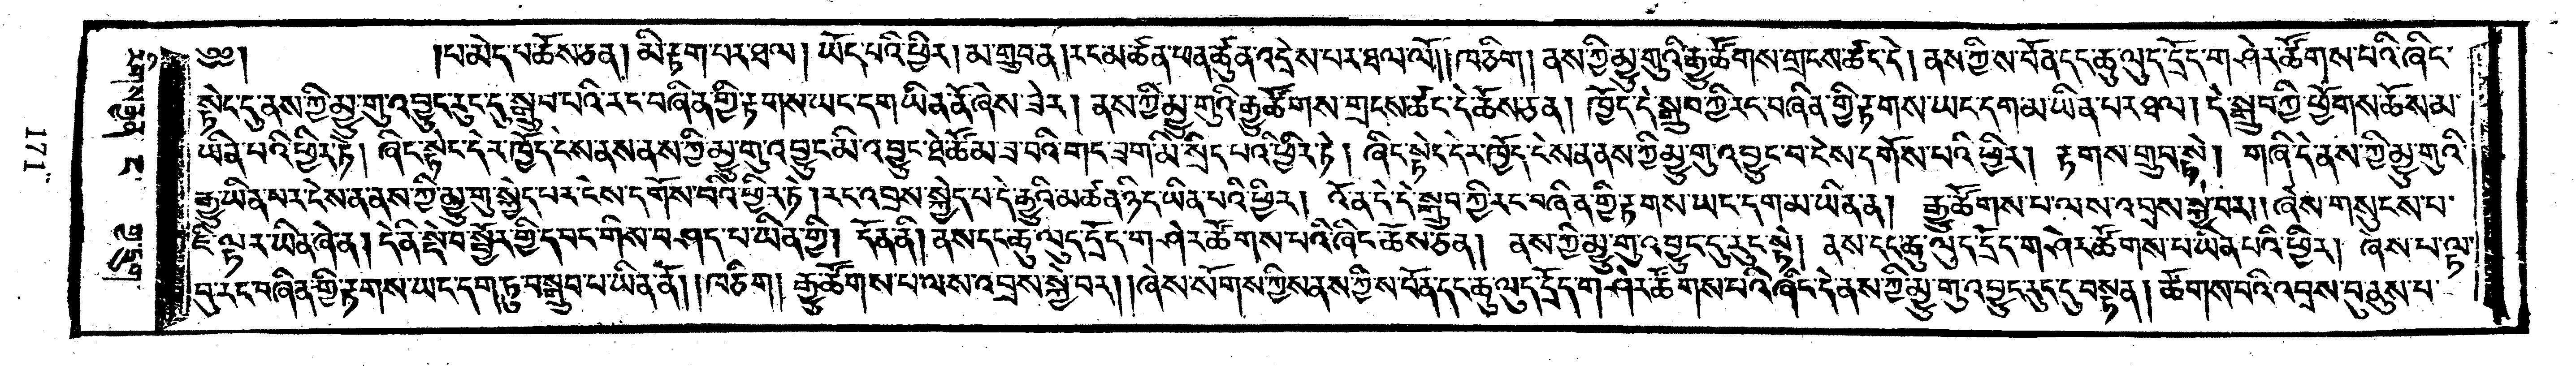༄༅། །པ་མེད་པ་ཆོས་ཅན། མི་རྟག་པར་ཐལ། ཡོད་པའི་ཕྱིར། མ་གྲུབ་ན། རང་མཚན་ཕན་ཚུན་འདྲེས་པར་ཐལ་ལོ། །ཁ་ཅིག། ནས་ཀྱི་མྱུ་གུའི་རྒྱུ་ཚོགས་གྲངས་ཆང་དེ། ནས་ཀྱི་ས་བོན་དང་ཆུ་ལུད་དྲོད་གཤེར་ཚོགས་པའི་ཞིང་
སྟེང་དུ་ནས་ཀྱི་མྱུ་གུ་འབྱུང་རུང་དུ་སྒྲུབ་པའི་རང་བཞིན་གྱི་རྟགས་ཡང་དག་ཡིན་ནོ་ཞེས་ཟེར། ནས་ཀྱི་མྱུ་གུའི་རྒྱུ་ཚོགས་གྲངས་ཆང་དེ་ཆོས་ཅན། ཁྱོད་དེ་སྒྲུབ་ཀྱི་རང་བཞིན་གྱི་རྟགས་ཡང་དག་མ་ཡིན་པར་ཐལ། དེ་སྒྲུབ་ཀྱི་ཕྱོགས་ཆོས་མ་
ཡིན་པའི་ཕྱིར་ཏེ། ཞིང་སྟེང་དེར་ཁྱོད་ངེས་ནས་ནས་ཀྱི་མྱུ་གུ་འབྱུང་མི་འབྱུང་ཐེ་ཚོམ་ཟ་བའི་གང་ཟག་མི་སྲིད་པའི་ཕྱིར་ཏེ། ཞིང་སྟེང་དེར་ཁྱོད་ངེས་ན་ནས་ཀྱི་མྱུ་གུ་འབྱུང་བ་ངེས་དགོས་པའི་ཕྱིར། རྟགས་གྲུབ་སྟེ། གཞི་དེ་ནས་ཀྱི་མྱུ་གུའི་
རྒྱུ་ཡིན་པར་ངེས་ན་ནས་ཀྱི་མྱུ་གུ་སྐྱེད་པར་ངེས་དགོས་པའི་ཕྱིར་ཏེ། རང་འབྲས་སྐྱེད་པ་དེ་རྒྱུའི་མཚན་ཉིད་ཡིན་པའི་ཕྱིར། འོ་ན་དེ་དེ་སྒྲུབ་ཀྱི་རང་བཞིན་གྱི་རྟགས་ཡང་དག་མ་ཡིན་ན། རྒྱུ་ཚོགས་པ་ལས་འབྲས་སྐྱེ་བར། ཞེས་གསུངས་པ་
ཇི་ལྟར་ཡིན་ཞེ་ན། དེ་ནི་སྡེབ་སྦྱོར་གྱི་དབང་གིས་བཤད་པ་ཡིན་གྱི། དོན་ནི། ནས་དང་ཆུ་ལུད་དྲོད་གཤེར་ཚོགས་པའི་ཞིང་ཆོས་ཅན། ནས་ཀྱི་མྱུ་གུ་འབྱུང་དུ་རུང་སྟེ། ནས་དང་ཆུ་ལུད་དྲོད་གཤེར་ཚོགས་པ་ཡིན་པའི་ཕྱིར། ཞེས་པ་ལྟ་
བུ་རང་བཞིན་གྱི་རྟགས་ཡང་དག་ཏུ་བསྒྲུབ་པ་ཡིན་ནོ། །ཁ་ཅིག། རྒྱུ་ཚོགས་པ་ལས་འབྲས་སྐྱེ་བར། །ཞེས་སོགས་ཀྱིས་ནས་ཀྱི་ས་བོན་དང་ཆུ་ལུད་དྲོད་གཤེར་ཚོགས་པའི་ཞིང་དེ་ནས་ཀྱི་མྱུ་གུ་འབྱུང་རུང་དུ་བསྟན། ཚོགས་པའི་འབྲས་བུ་ནུས་པ་